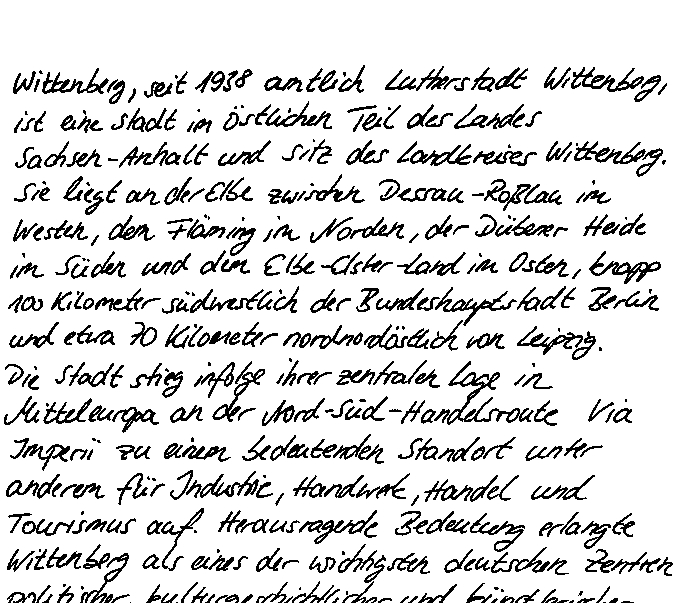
Wittenberg, seit 1938 amtlich Lutherstadt Wittenberg,
ist eine Stadt im östlichen Teil des Landes
Sachsen-Anhalt und Sitz des Landkreises Wittenberg.
Sie liegt an der Elbe zwischen Dessau-Roßlau im
Westen, dem Fläming im Norden, der Dübener Heide
im Süden und dem Elbe-Elster-Land im Osten, knapp
100 Kilometer südwestlich der Bundeshauptstadt Berlin
und etwa 70 Kilometer nordnordöstlich von Leipzig.
Die Stadt stieg infolge ihrer zentralen Lage in
Mitteleuropa an der Nord-Süd-Handelsroute Via
Imperii zu einem bedeutenden Standort unter
anderem für Industrie, Handwerk, Handel und
Tourismus auf. Herausragende Bedeutung erlangte
Wittenberg als eines der wichtigsten deutschen Zentren
